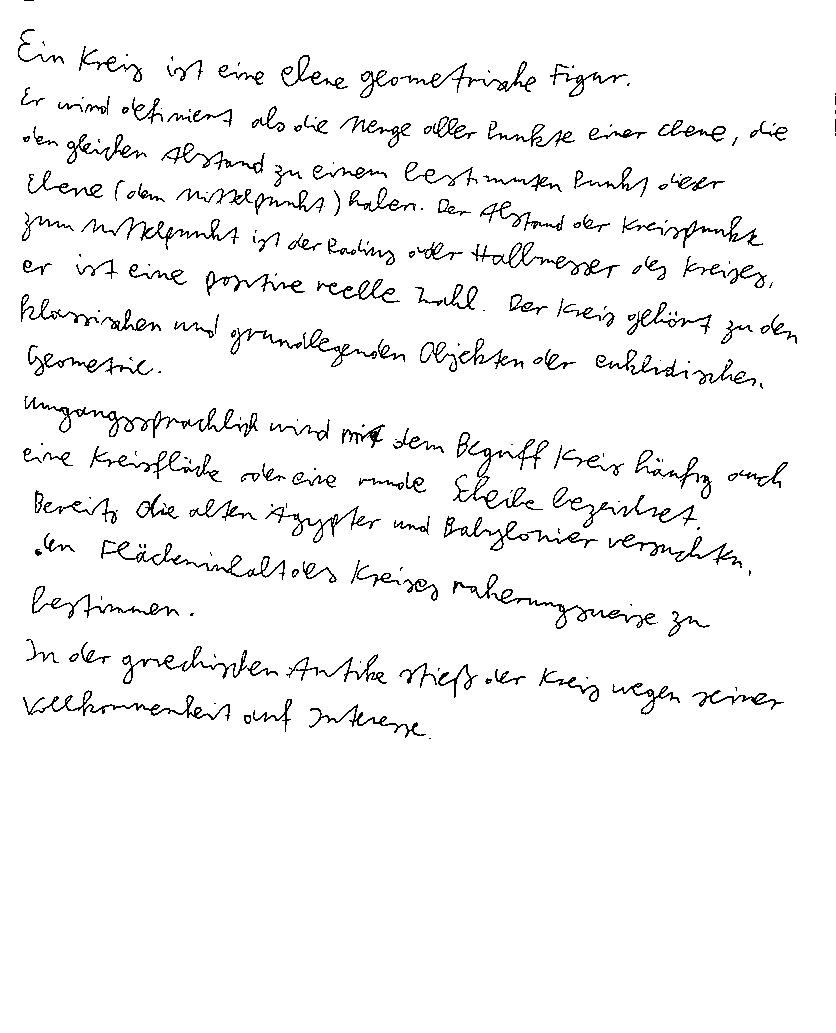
Ein Kreis ist eine ebene geometrische Figur.
Er wird definiert als die Menge aller Punkte einer Ebene, die
den gleichen Abstand zu einem bestimmten Punkt dieser
Ebene (dem Mittelpunkt) haben. Der Abstand der Kreispunkte
zum Mittelpunkt ist der Radius oder Halbmesser des Kreises,
er ist eine positive reelle Zahl. Der Kreis gehört zu den
klassischen und grundlegenden Objekten der euklidischen Geometrie.
Umgangssprachlich wird mit dem Begriff Kreis häufig auch
eine Kreisfläche oder eine runde Scheibe bezeichnet.
Bereits die alten Ägypter und Babylonier versuchten,
den Flächeninhalt des Kreises näherungsweise zu
bestimmen.
In der griechischen Antike stieß der Kreis wegen seiner
Vollkommenheit auf Interesse.
